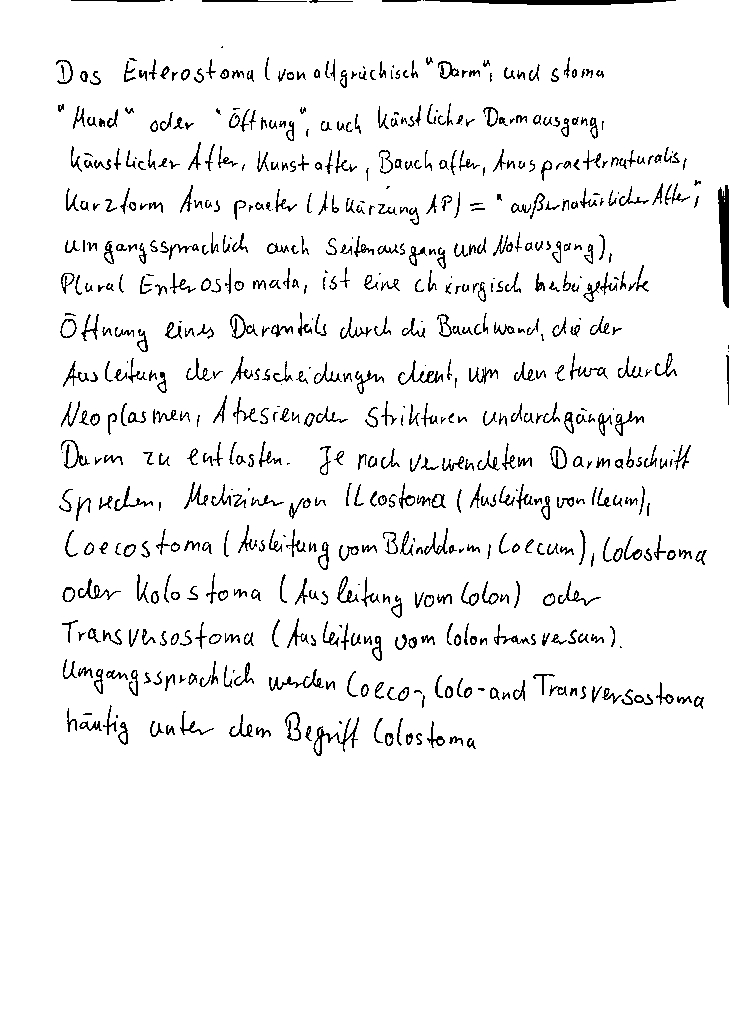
Das Enterostoma (von altgriechisch "Darm", und stoma
"Mund" oder "Öffnung", auch künstlicher Darmausgang,
künstlicher After, Kunstafter, Bauchafter, Anus praeternaturalis,
Kurzform Anus praeter (Abkürzung AP) = "außernatürlicher After",
umgangssprachlich auch Seitenausgang und Notausgang),
Plural Enterostomata, ist eine chirurgisch herbeigeführte
Öffnung eines Darmteils durch die Bauchwand, die der
Ausleitung der Ausscheidungen dient, um den etwa durch
Neoplasmen, Atresien oder Strikturen undurchgängigen
Darm zu entlasten. Je nach verwendetem Darmabschnitt
sprechen Mediziner von Ileostoma (Ausleitung vom Ileum),
Coecostoma (Ausleitung vom Blinddarm, Coecum), Colostoma
oder Kolostoma (Ausleitung vom Colon) oder
Transversostoma (Ausleitung vom Colon transversum).
Umgangssprachlich werden Coeco-, Colo- und Transversostoma
häufig unter dem Begriff Colostoma
